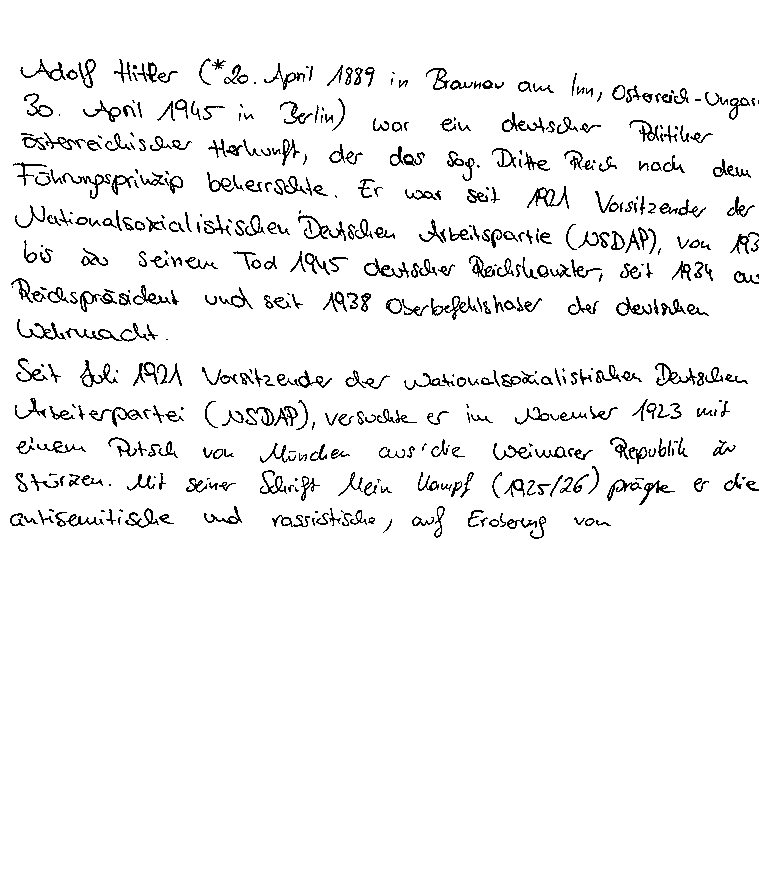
Adolf Hitler ( * 20. April 1889 in Braunau aus Inn , Österreich-Ungarn
30 April 1945 in Berlin ) War ein deutscher Politiker
österreichischer Herkunft , der das sog. Dritte Reich nach dem
Führungsprinzip beherrschte. Er war seit 1921 Vorsitzender der
Nationalsozialistischen Deutschen Arbeiterpartei ( NSDAP ), von 193
bis zu seinem Tod 1945 deutscher Reichskanzler, seit 1934 auch
Reichspräsident und seit 1938 Oberbefehlshaber der deutschen
Wehrmacht
Seit 1921 Vorsitzender der Nationalsozialistischen Deutschen
Arbeiterpartei ( NSDAP ), versuchte er im November 1923 mit
einem Putsch von München aus die Weimarer Republik zu
stürzen. Mit seiner Schrift Mein Kampf ( 1925/26 ) prägte er die
antisemitische und rassistische , auf Eroberung von
